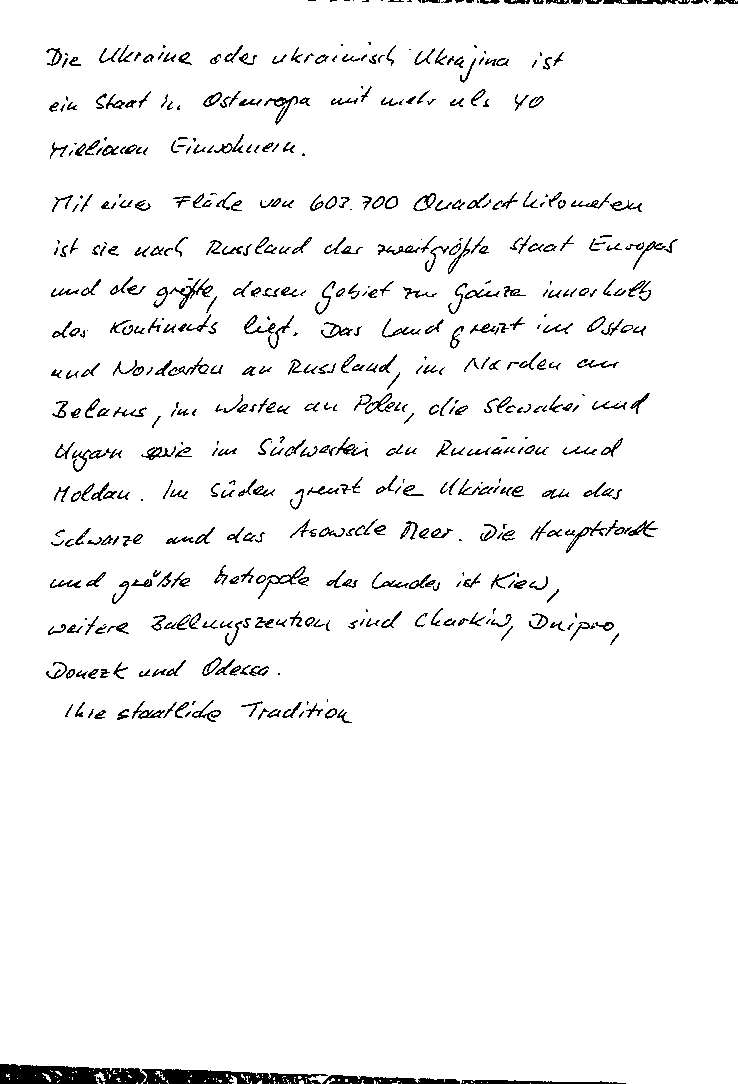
Die Ukraine oder ukrainisch Ukrajina ist
ein Staat in Osteuropa mit mehr als 40
Millionen Einwohnern.
Mit einer Fläche von 603.700 Quadratkilometern
ist sie nach Russland der zweitgrößte Staat Europas
und der größte, dessen Gebiet zur Gänze innerhalb
des Kontinents liegt. Das Land grenzt im Osten
und Nordosten an Russland, im Norden an
Belarus, im Westen an Polen, die Slowakei und
Ungarn sowie im Südwesten an Rumänien und
Moldau. Im Süden grenzt die Ukraine an das
Schwarze und das Asowsche Meer. Die Hauptstadt
und größte Metropole des Landes ist Kiew,
weitere Ballungszentren sind Charkiw, Dnipro,
Donezk und Odessa.
Ihre staatliche Tradition
